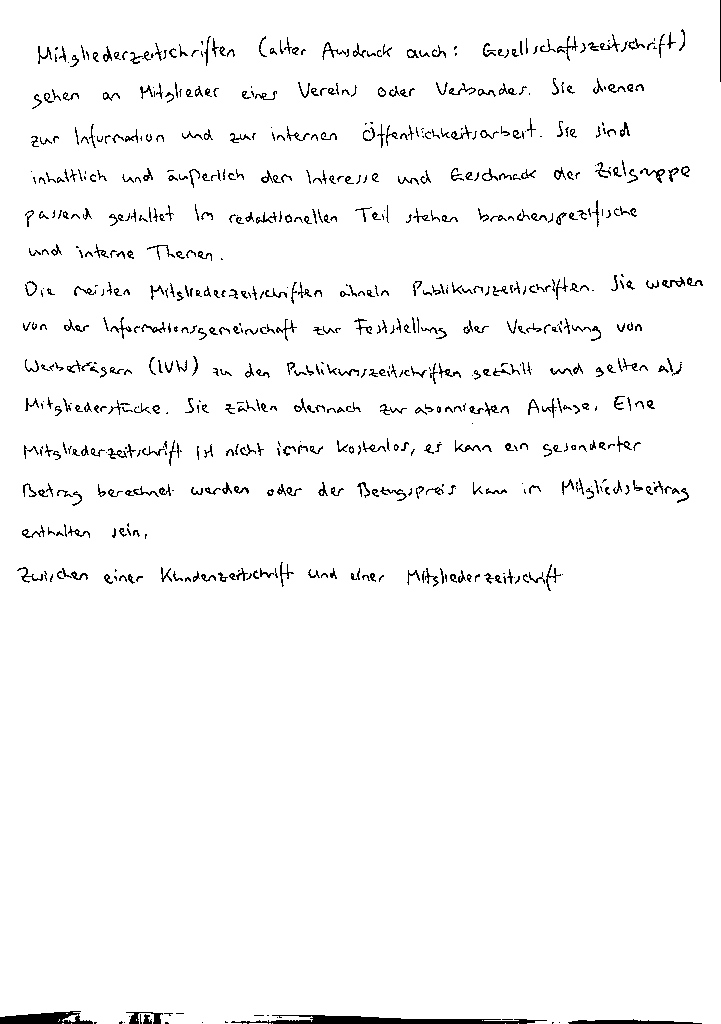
Mitgliederzeitschriften (alter Ausdruck auch: Gesellschaftszeitschrift)
gehen an Mitglieder eines Vereins oder Verbandes Sie dienen
zur Information und zur internen Öffentlichkeitsarbeit. Sie sind
inhaltlich und äußerlich dem Interesse und Geschmack der Zielgruppe
passend gestaltet. Im redaktionellen Teil stehen branchenspezifische
und interne Themen.
Die meisten Mitgliederzeitschriften ähneln Publikumszeitschriften. Sie werden
von der Informationsgemeinschaft zur Feststellung der Verbreitung von
Werbeträgern (IVW) zu den Publikumszeitschriften gezählt und gelten als
Mitgliederstücke. Sie zählen demnach zur abonnierten Auflage. Eine
Mitgliederzeitschrift ist nicht immer kostenlos, es kann ein gesonderter
Betrag berechnet werden oder der Bezugspreis kann im Mitgliedsbeitrag
enthalten sein.
Zwischen einer Kundenzeitschrift und einer Mitgliederzeitschrift
